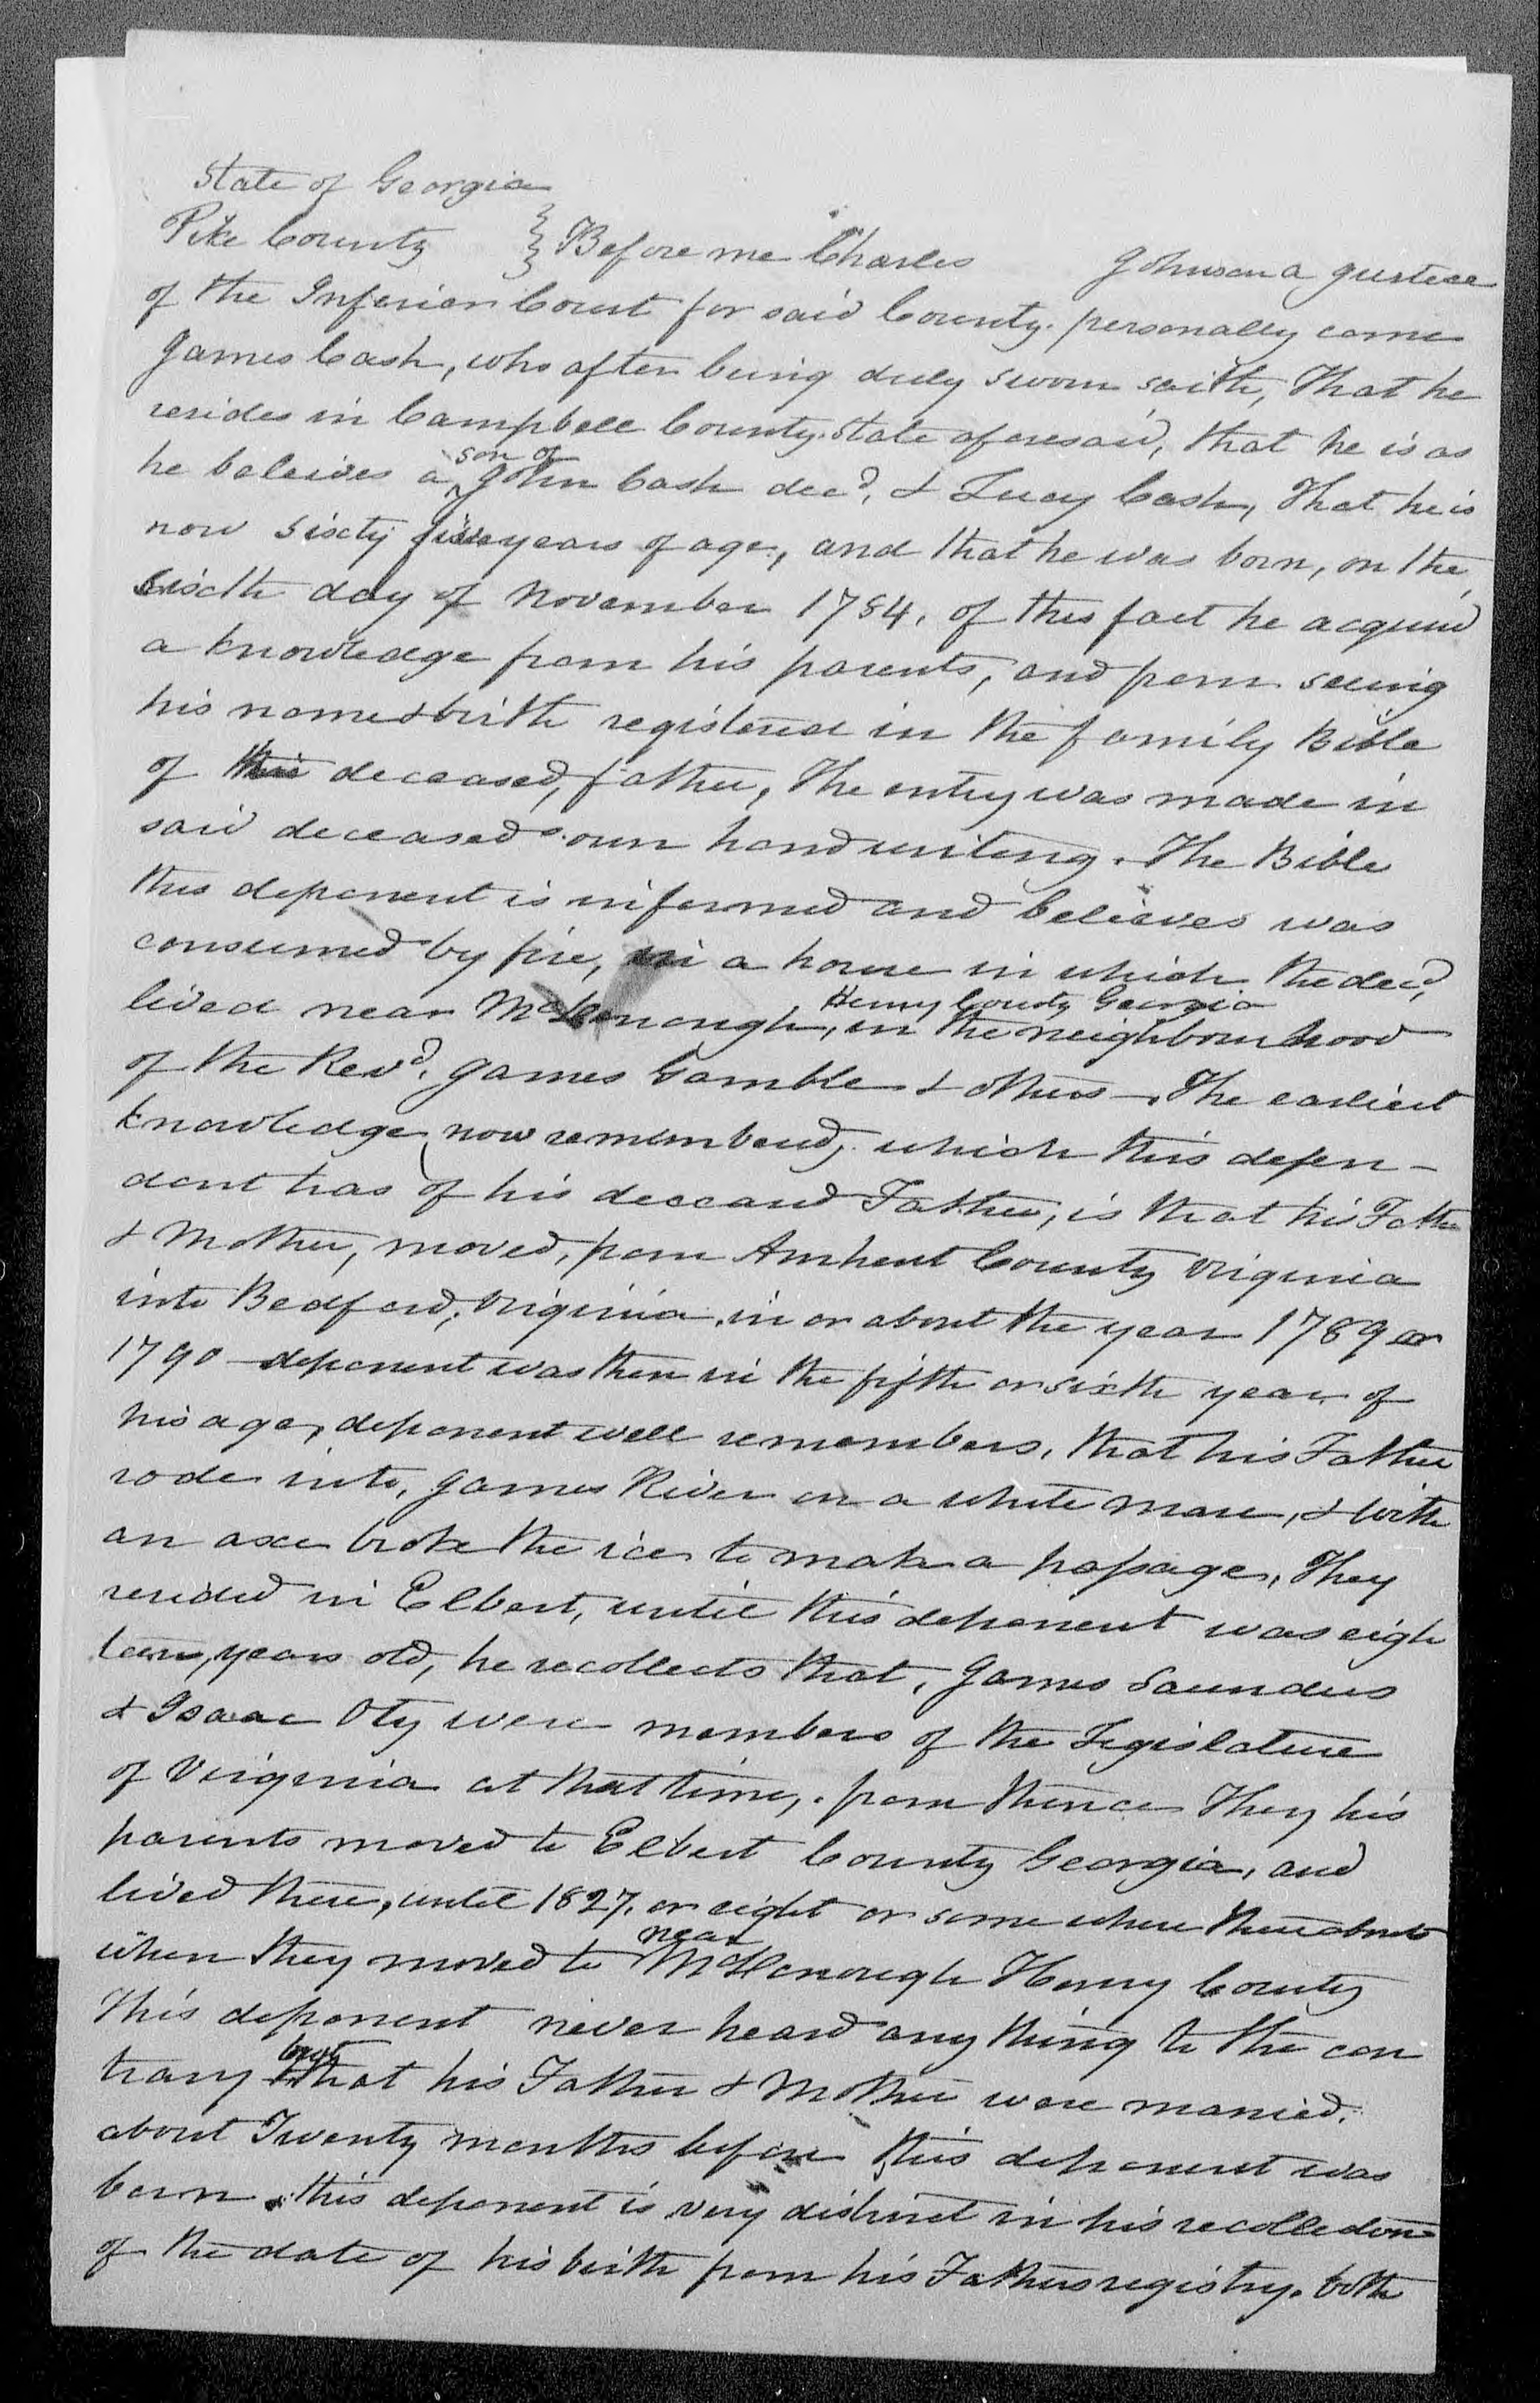State of Georgia
Pike County ⎬
 Before me Charles Johnson a Justice of the Inferior Court for said County, personally came James Cash, who after being duly sworn saith, That he resides in Campbell County State aforesaid, that he is as
he believes the son of John Cash decd & Lucy Cash, that he is now sixty-five years of age, and that he was born, on the Sixth day of November 1784, of this fact he acquired this knowledge from his parents, and pursuing his name with registered in the family Bible
of this deceased father, the entry was made in said deceased our handwriting. The Bible this deponent is informed and believes was consumed by fire, in a house in which the dec'd lived near McDonough in Henry County in the neighborhood of the Revd James Gamble & others-- The earliest
knowledge, now remembered, which this deponent has of his deceased Father, is that his father, & mother, moved, from Amherst County Georgia into Bedford, Virginia in or about the year 1789.
1779 deponent was then in the fifth of sixth year of his age, deponent well remembers, that his Father
rode into James River in a white mare, & with an axe broke the ice to make a passage. They resided in Elbert, until this deponent was eight
teen years old, he recollects that James Saunders and Isaac Oty were members of the Legislature
of Virginia at that time. from thence  his parents moved to Elbert County Georgia, and lived there, until 1827, or eight or somewhere , when they moved to McDonagh, Henry County.
This deponent never heard anything to the contrary that his Father & mother were married
about Twenty months before this deponent was born, This deponent is very distinct in his recollecting ┃
of the date of his birth from his Fathers registry both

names: James Cash, James Gamble, Lucy Cash, Charles Johnson, John Cash, James Saunders, Isaac Oty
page: 30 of 73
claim: widow's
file: W. 5,894, John Cash, Va.